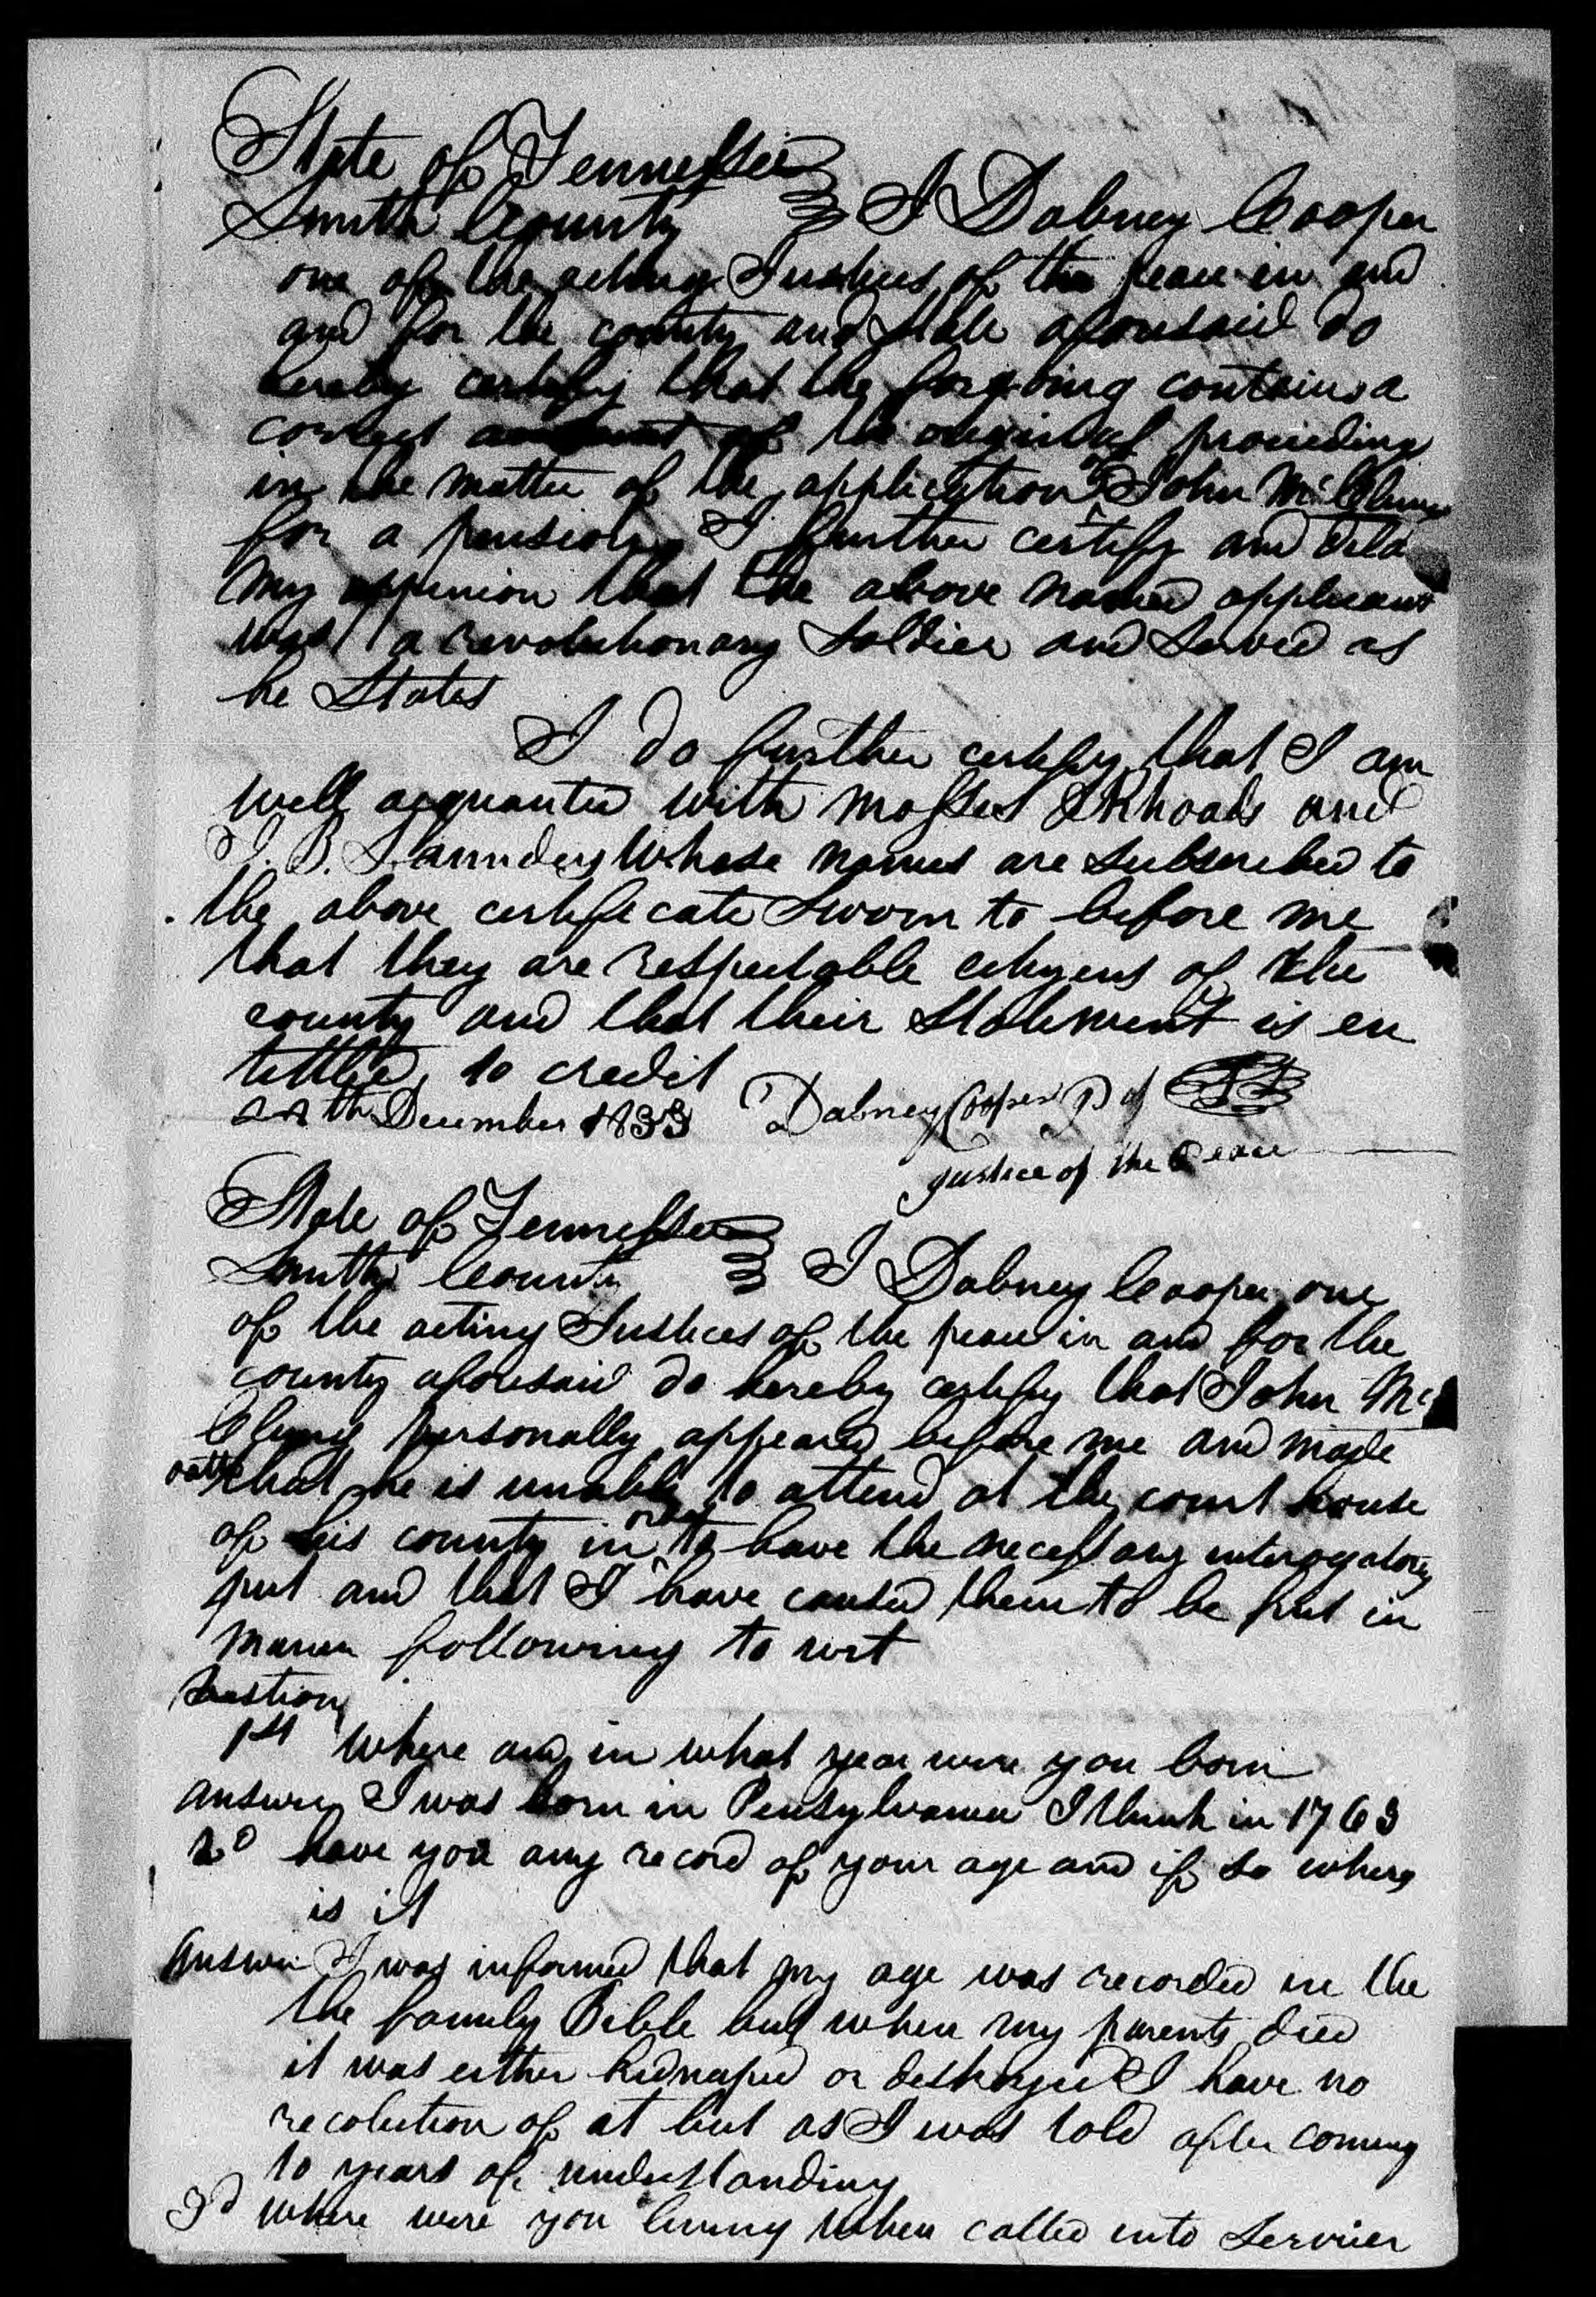State of Tennessee
Smith County
I Dabney Cooper one of the acting Justices of the Peace in and and for the County and State aforesaid do hereby certify that the forgoing contains a correct account of the original proceedings
in the matter of the application John McClung for a pension I further certify and [illegible] my opinion that the above named applicant was a Revolutionary Soldier and served as he states

I do further certify that I am well acquainted with Moses Rhoads and J.B. Saunders whose names are subscribed to the above certificate Sworn to before me that they are respectable citizens of the
County and that their statement is entitled to credit
4th December 1833
Dabney Cooper 
Justice of the Peace

I Dabney Cooper one of the acting Justices of the peace in and for the County aforesaid do hereby certify that John McClung personally appeared before me and made oath that as he is unable to attend at the court house of his County in order to have the necessary interrogatory put and I have caused them to be put in [illegible] following to wit
Question 1st where and in what year were you born?
Answer I was born in Pennsylvania I think in 1763
2nd have you any record of your age and if so where is it?
Answer I was informed that my age was recorded in the the family Bible but when my parents died
it was either kidnapped or destroyer I have no recollection of it but as I was told after coming to
years of understanding
3rd where were you living when called into service?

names: Mosses Rhoads; J B Saunders; Dabney Cooper; John Mc Clung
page: 44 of 115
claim: widow's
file: W. 1446, for John Mc Clung, South Carolina